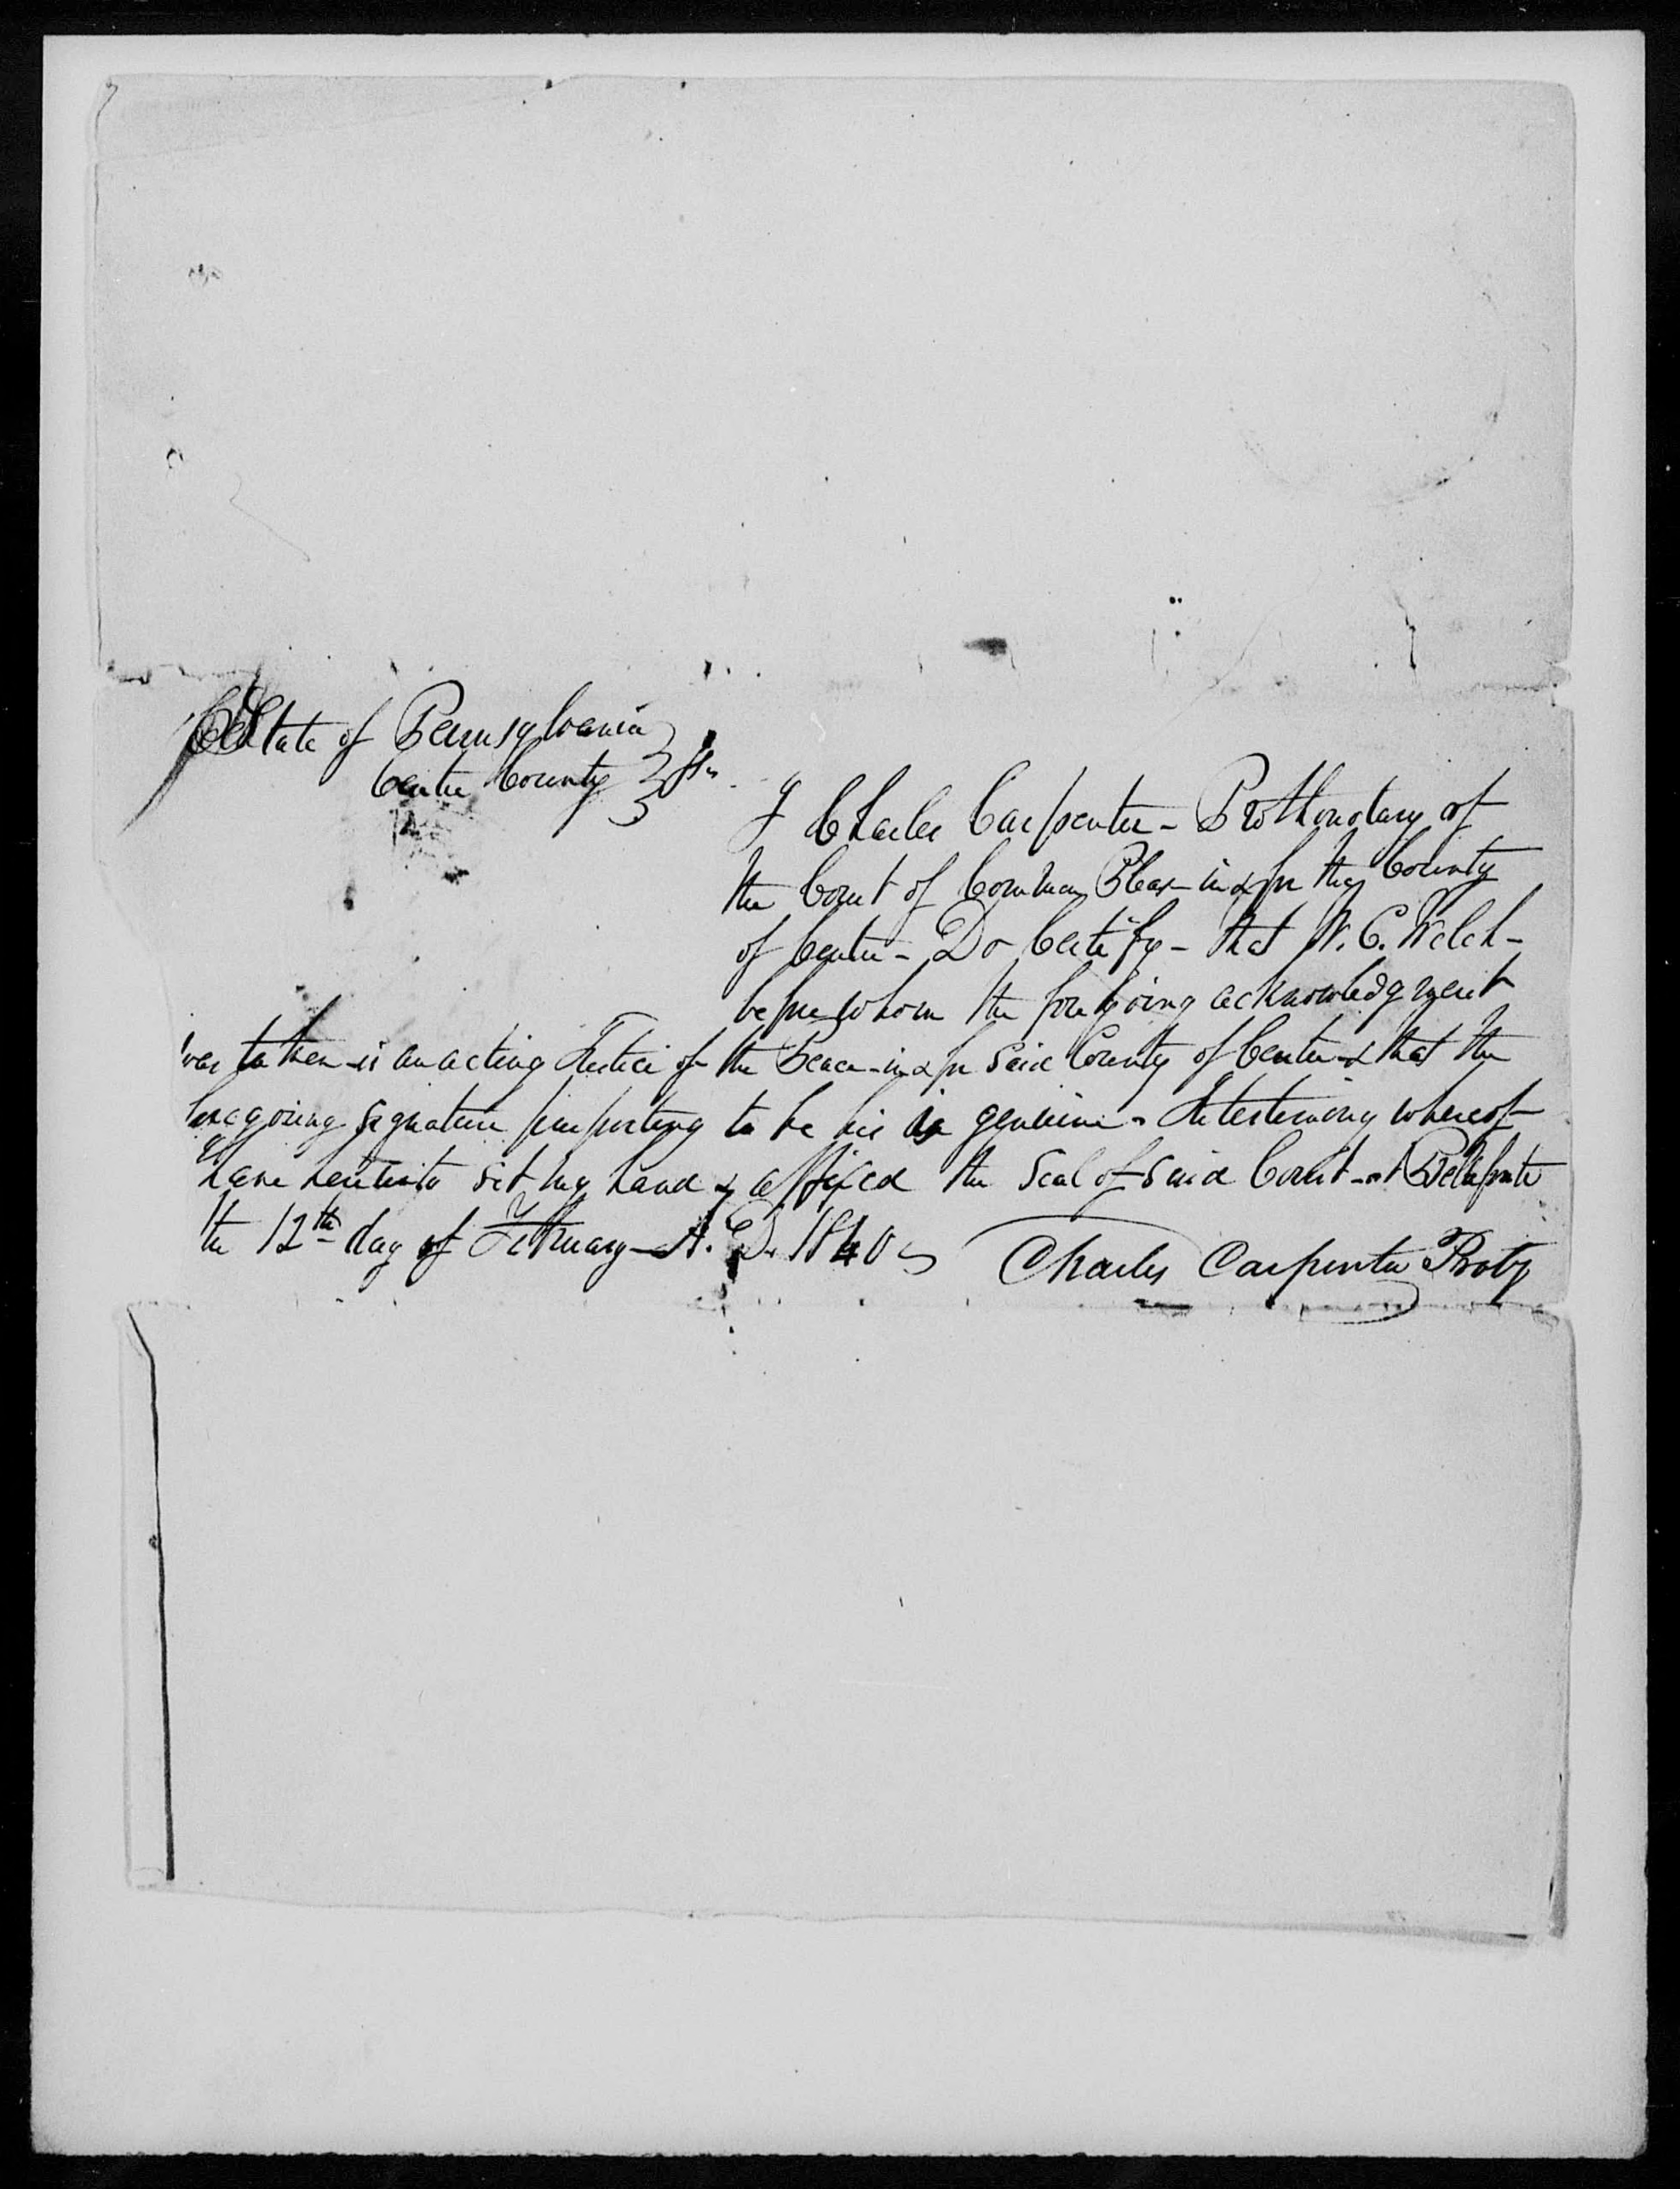State of Pennsylvania
Centre County ⎬
I, Charles Carpenter Prothonotary of the Court of Common Pleas and for the County of Centre - Do Certify- that W.C. Welch -before whom the foregoing acknowledgment was taken - is an acting Justice of the peace in & for said County of Center & that the foregoing signature purporting to be his is genuine In testimony whereof have hereunto set my hand & affixed the Seal of said Court [illegible] the 12th day of February A.D. 1840
Charles Carpenter Proty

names: Charles Carpenter, Charles Carpenter, W C Welch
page: 56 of 80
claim: widow's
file: W. 24117, John Elder, Penn.